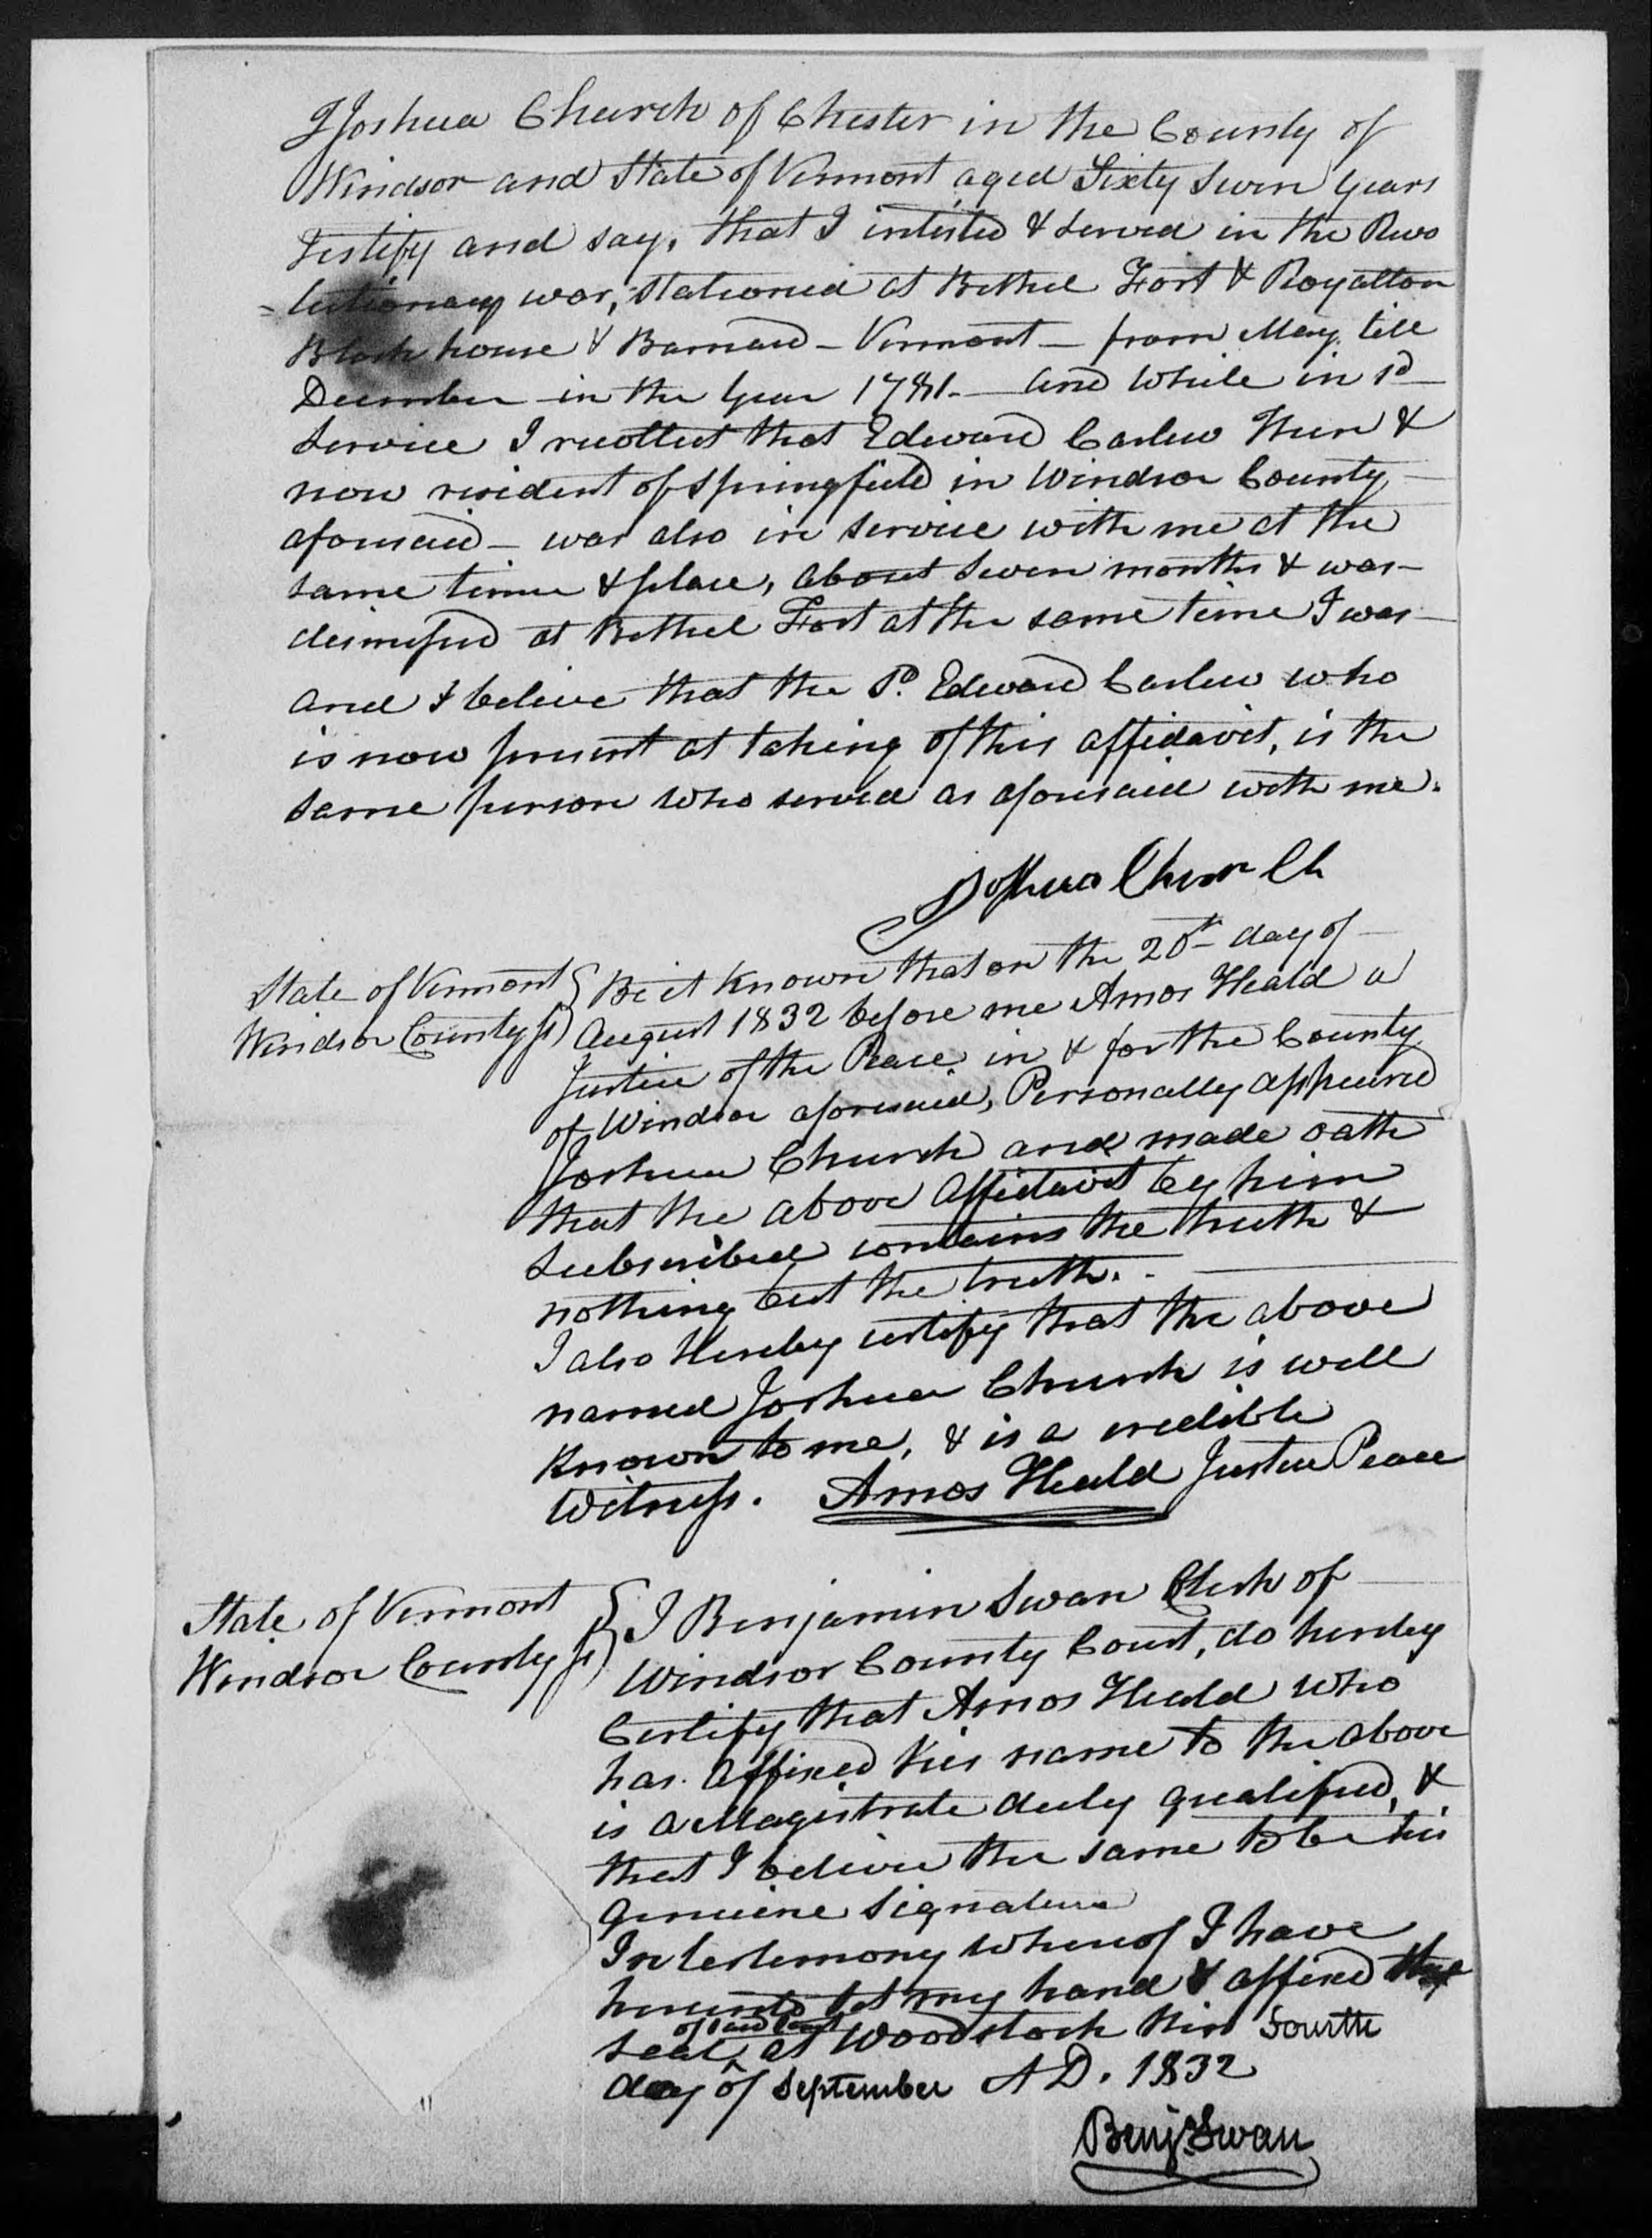I Joshua Church of Chester in the County of Windsor and State of Vermont aged Sixty Seven years testify and say, that I inlisted + served in the Revolutionary war, stationed at Bethel Fort + Royalton Block house + Barnard - Vermont - from May till December in the year 1781. - and while in s'd Service I recollect that Edward Corlew was + now resident of Springfield in Windsor County - aforesaid - was also in service with me at the same time + place, about seven months + was dismissed at Bethel Fort at the same time I was and I believe that the s'd Edward Corlew who is now present at taking of this affidavit, is the same person who served as aforesaid with me. 
/s/Joshua Church
State of Vermont
Windsor County ss} Be it known that on the 20th day of August 1832 before one Amos Heald a Justice of the Peace in + for the County of Windsor aforesaid, Personally appeared Joshua Church and made oath that the above affidavit by him subscribed contains the truth + nothing but the truth. 
I also hereby certify that the above named Joshua Church is well known to me, + is a credible witness. /s/Amos Heald Justice Peace
State of Vermont
Windsor County ss} I Benjamin Swan Clerk of Windsor County Court, do hereby  certify that Amos Heald who has affixed his name to the above is a Magistrate duly qualified, + that I believe the same to be his genuine signature
[court seal affixed] In testimony whereof I have hereunto set my hand + affixed the seal of said Court at Woodstock this fourth day of September AD. 1832
/s/Benj'n Swan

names: Joshua Church, Joshua Church, Amos Heald, Benja Swan, Edward Corlew, Benjamin Swan, Edward Carlew, Joshua Church, Amos Heald, Amos Heald, Joshua Church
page: 16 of 18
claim: survivor's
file: S. 21,702, Edward Corlew, Vt.